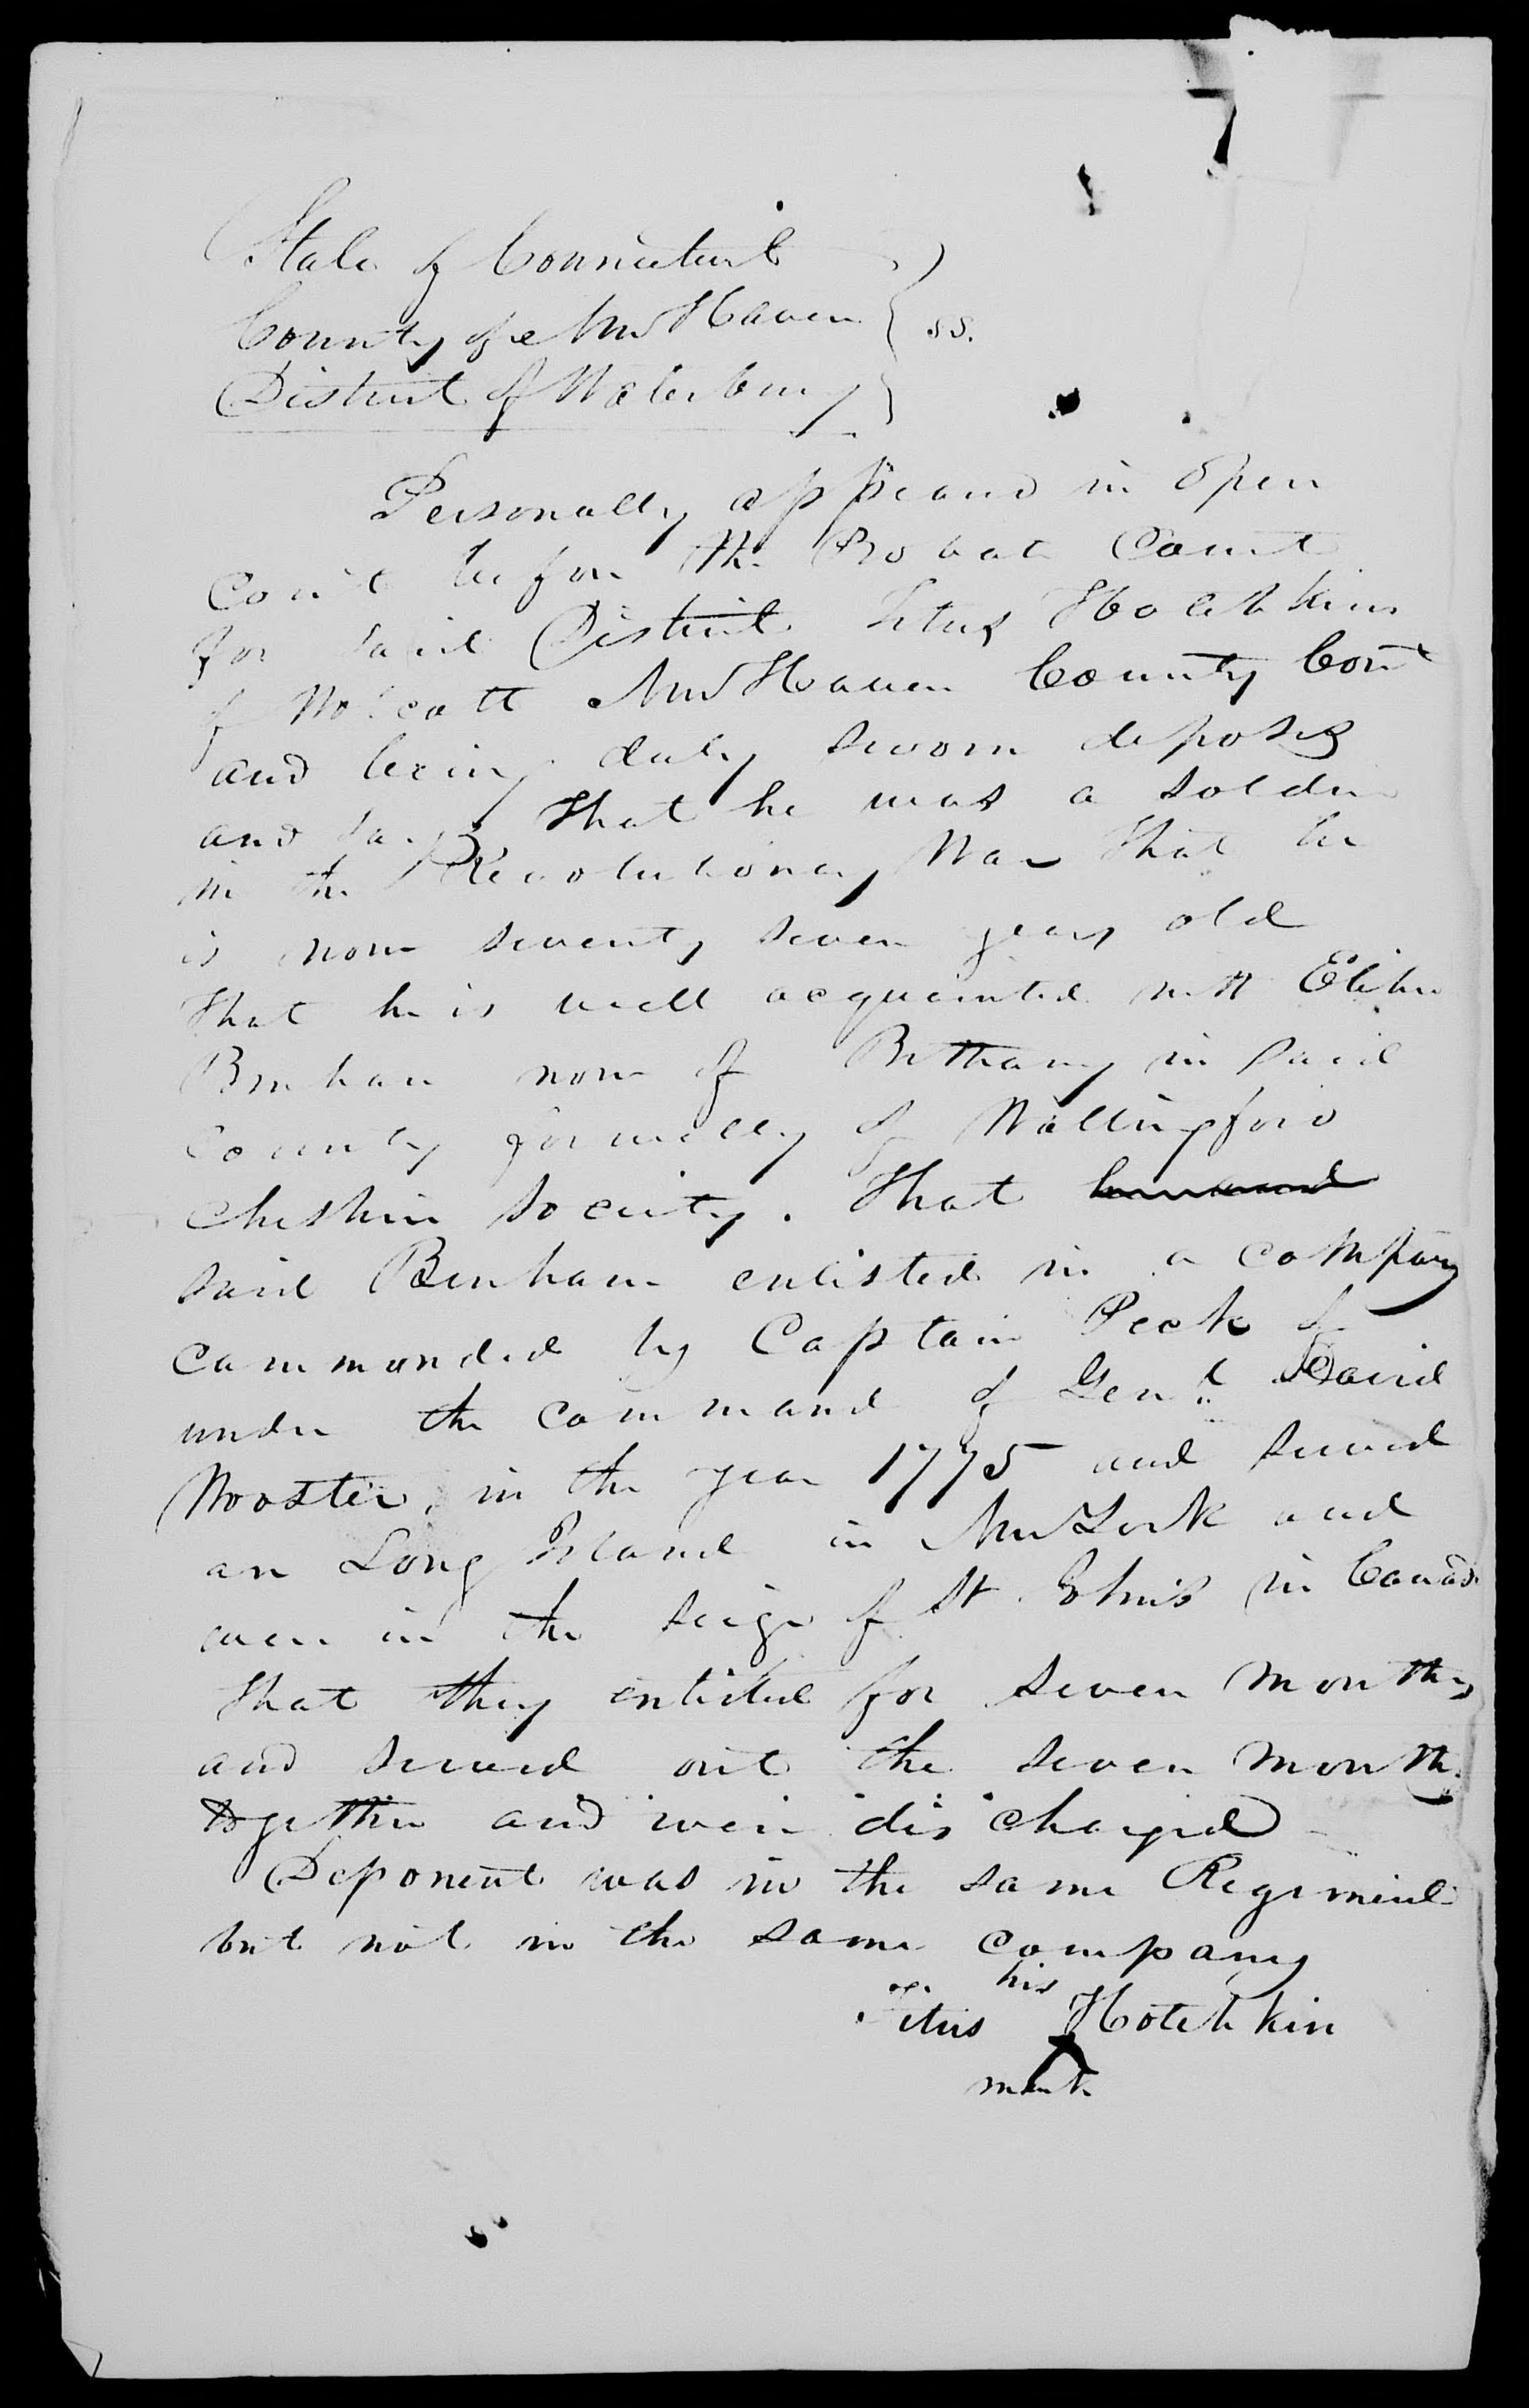State of Connecticut
 County of New Haven
 District of Waterbury} SS.
 Personally appeared in open Court before the Probate Court for said district Titus Hotchkin of Wolcott , New Haven County Court and being duly Sworn deposes and says that he was a soldier in the Revolutionary way That he is now seventy seven years old That he is well acquainted with Elihu Benham now of Bethany in said County formally of Wallingford Christian Society. That said Benham enlisted in a company commanded by Captain Peck of under the command of Genl David Wooster  in the year 1775 and served and Long Island in New York and was in the seige of St Johns in Canada. That they enlisted for seven months and served out the seven month together and were discharged
Deponent was in the same Regiment but not in the same company
Titus Hotchkin
his mark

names: Peck, Elihu Benham, David Wooster, Titus Hotchkins, Benham, Titus Hotchkin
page: 14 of 45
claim: survivor's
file: S. 15748, Elihu Benham, Conn.